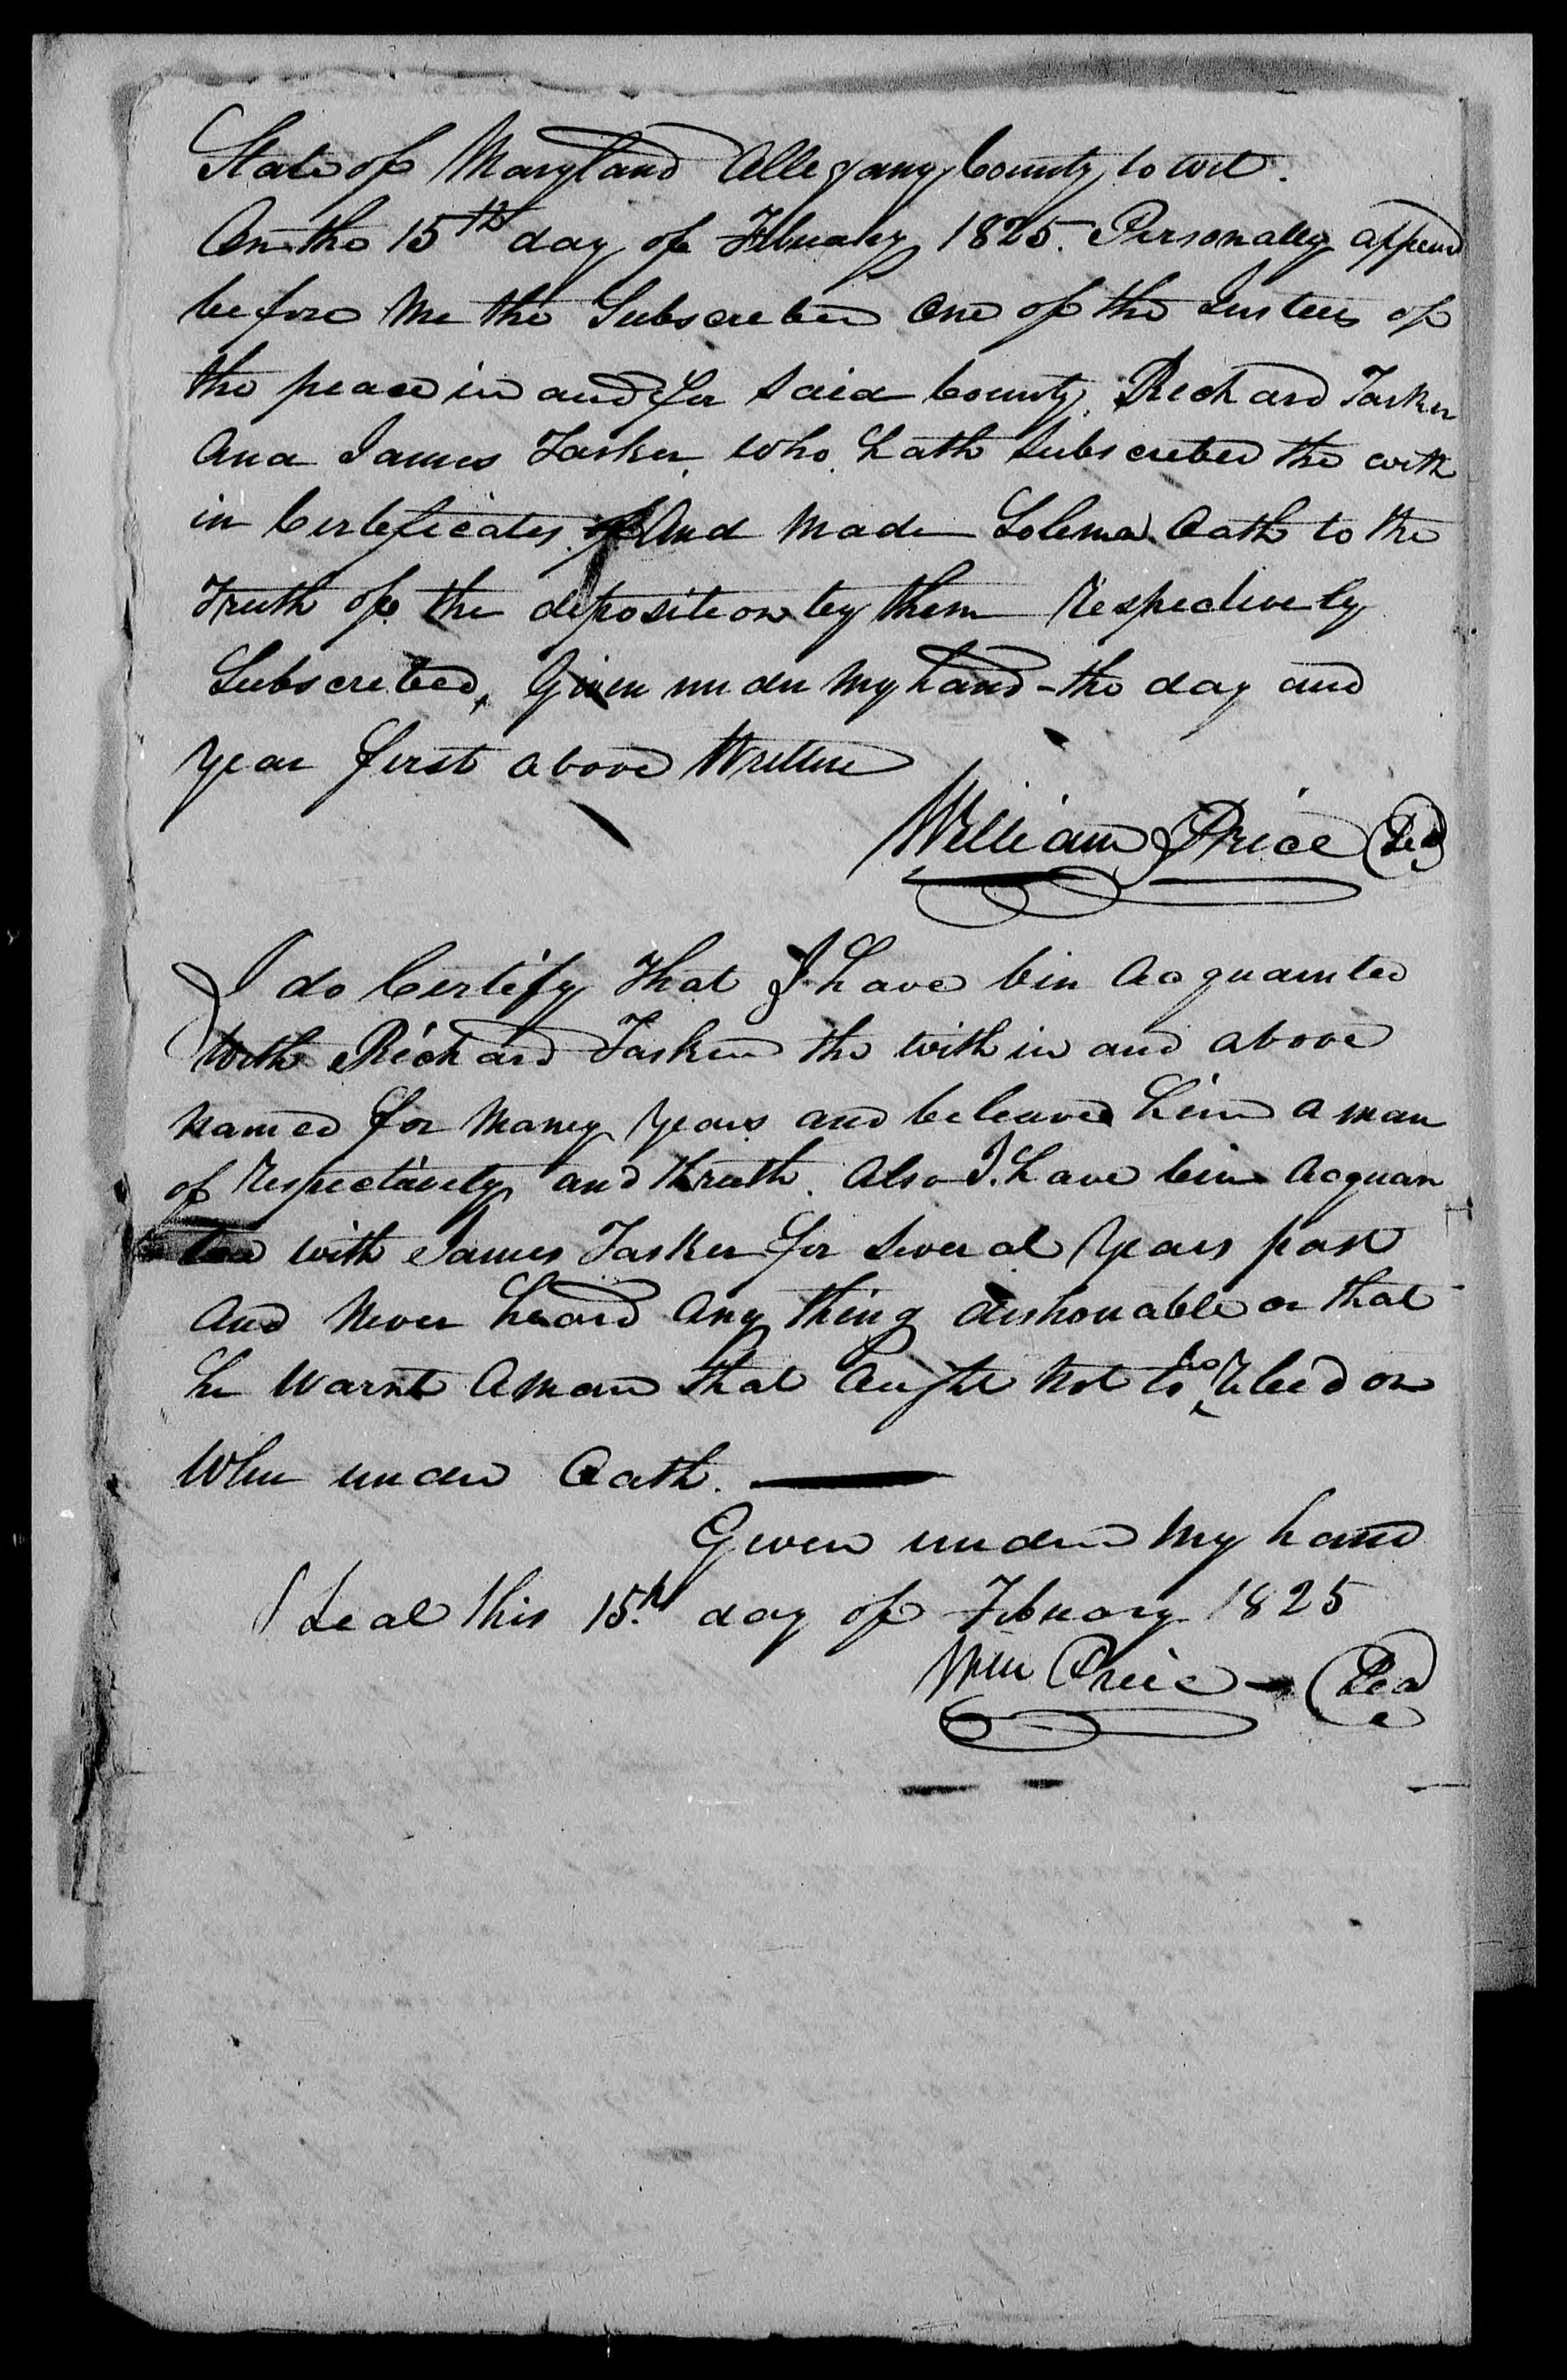State of Maryland Allegany County to wit. On the 15th day of February 1825 Personally appeared before me the Subscriber one of the Justices of the peace in and for said County Richard Tasker and James Tasker who hath Subscribed the within Certificates and made Solemn Oath to the Truth of the deposition by them respectively Subscribed. Given under my hand the day and year first above written  William Price  (Seal)

I do Certify that I have been acquainted with Richard Tasker the within and above named for many years and beleaved him a man of respectively and truth. Also I have been acquainted with James Tasker for Several years past and never heard any thing dishonable or that he warnt a man that aught not to be relied on when under Oath.--
Given under my hand & Seal this 15th day of Febuary 1825
Wm Price--(Seal)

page: 6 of 25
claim: survivor's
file: S. 35093, for Richard R Tasker, Maryland